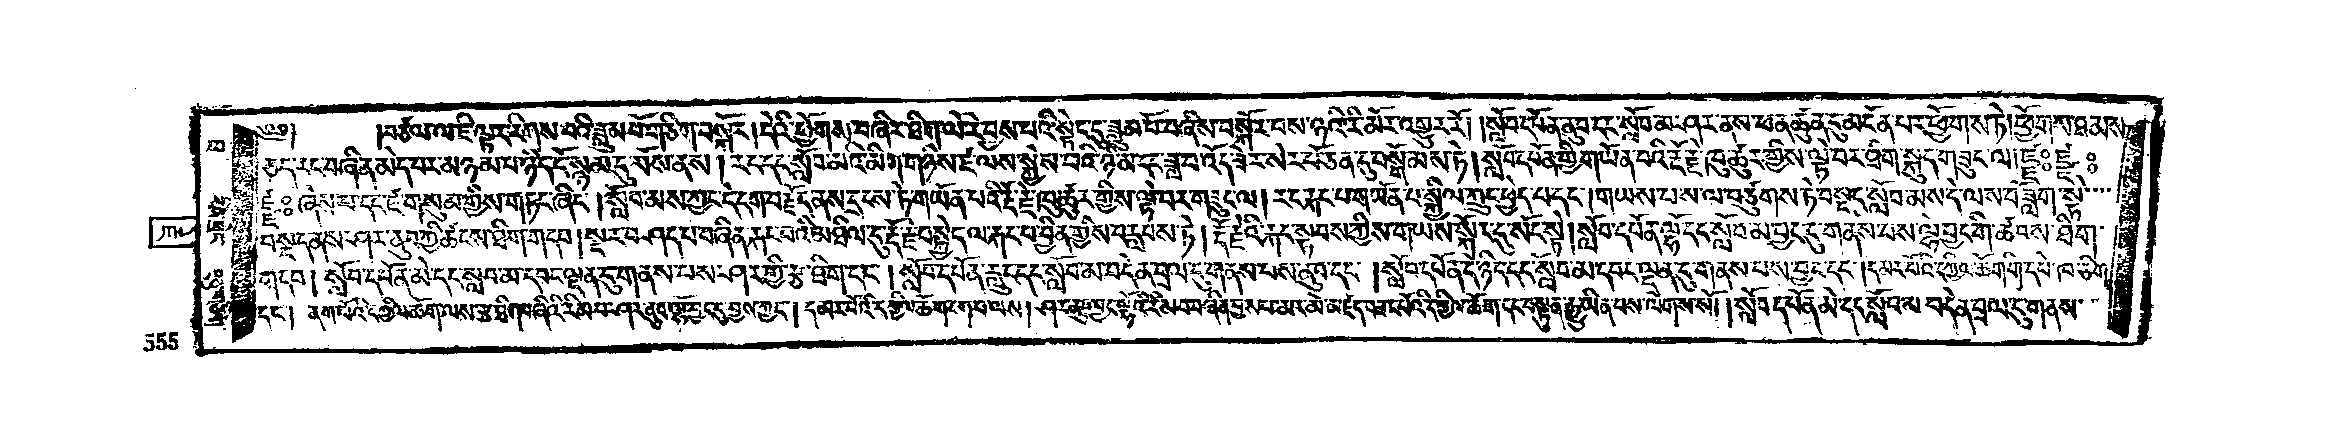༄༅། །བཙལ་ལ་ཇི་ལྟར་རིགས་པའི་ཟླུམ་པོ་གཅིག་བསྐོར། དེའི་ཕྱོགས་བཞིར་ཐིག་ལེ་རེ་བྱས་པའི་སྟེང་དུ་ཟླུམ་པོ་བཞིས་བསྐོར་བས་ཉའི་རི་མོར་འགྱུར་རོ། །སློབ་དཔོན་ནུབ་དང་སློབ་མ་ཤར་ནས་ཕན་ཚུན་དུ་མངོན་པར་ཕྱོགས་ཏེ། ཕྱོགས་ཐམས་
ཅད་རང་བཞིན་མེད་པར་མཉམ་པ་ཉིད་དོ་སྙམ་དུ་མོས་ནས། རང་དང་སློབ་མའི་མིག་གཉིས་ཛ་ལས་སྐྱེས་པའི་ཉི་མ་དང་ཟླ་བ་འོད་ཟེར་སེར་པོ་ཅན་དུ་བསྒོམས་ཏེ། སློབ་དཔོན་གྱི་གཡོན་པའི་རྡོ་རྗེ་ཁུ་ཚུར་གྱིས་ལྟེ་བར་ཐིག་སྐུད་གཟུང་ལ། ཛྫཿ ཛྫཿ
ཛྫཿ ཞེས་པ་དང་ཛ་གསུམ་གྱིས་གཏང་ཞིང་། སློབ་མས་ཀྱང་དེ་དག་བརྗོད་ནས་དྲངས་ཏེ་གཡོན་པའི་རྡོ་རྗེ་ཁུ་ཚུར་གྱིས་ལྟེ་བར་གཟུང་ལ། རང་རྐང་པ་གཡོན་པ་སྐྱིལ་ཀྲུང་ཕྱེད་པ་དང་། གཡས་པ་ས་ལ་བཙུགས་ཏེ་བསྡད་སློབ་མས་དེ་ལས་བཟློག་སྟེ་
བསྡད་ནས་ཤར་ནུབ་ཀྱི་ཚངས་ཐིག་གདབ། སྔར་བཤད་པ་བཞིན་རྐང་བའི་མཐིལ་དུ་རྡོ་རྗེ་བསྐྱེད་ལ་རྐང་པ་བྱིན་གྱིས་བརླབས་ཏེ། རྡོ་རྗེ་རྐང་སྟབས་ཀྱིས་གཡས་སྐོར་དུ་སོང་སྟེ། སློབ་དཔོན་ལྷོ་དང་སློབ་མ་བྱང་དུ་གནས་པས་ལྷོ་བྱང་གི་ཚངས་ཐིག་
གདབ། སློབ་དཔོན་མེ་དང་སློབ་མ་དབང་ལྡན་དུ་གནས་པས་ཤར་གྱི་རྩ་ཐིག་དང་། སློབ་དཔོན་རླུང་དང་སློབ་མ་བདེན་བྲལ་དུ་གནས་པས་ནུབ་དང་། སློབ་དཔོན་དེ་ཉིད་དང་སློབ་མ་དབང་ལྡན་དུ་གནས་པས་བྱང་དང་། དམར་པོའི་དཀྱིལ་ཆོག་གི་དཔེ་ཁ་ཅིག་
དང་། ནག་པོའི་དཀྱིལ་ཆོག་ལས་རྩ་ཐིག་བཞིའི་རིམ་པ་ཤར་ནུབ་ལྷོ་བྱང་དུ་བྱས་ཀྱང་། དམར་པོའི་དཀྱིལ་ཆོག་དག་པ་ལས། ཤར་ནུབ་བྱང་ལྷོའི་རིམ་པ་བཞིན་བྱས་པ་མར་མེ་མཛད་བཟང་པོའི་དཀྱིལ་ཆོག་དང་བསྟུན་རྒྱུ་ཡིན་པས་ལེགས་སོ།  །སློབ་དཔོན་མེ་དང་སློབ་མ་བདེན་བྲལ་དུ་གནས་